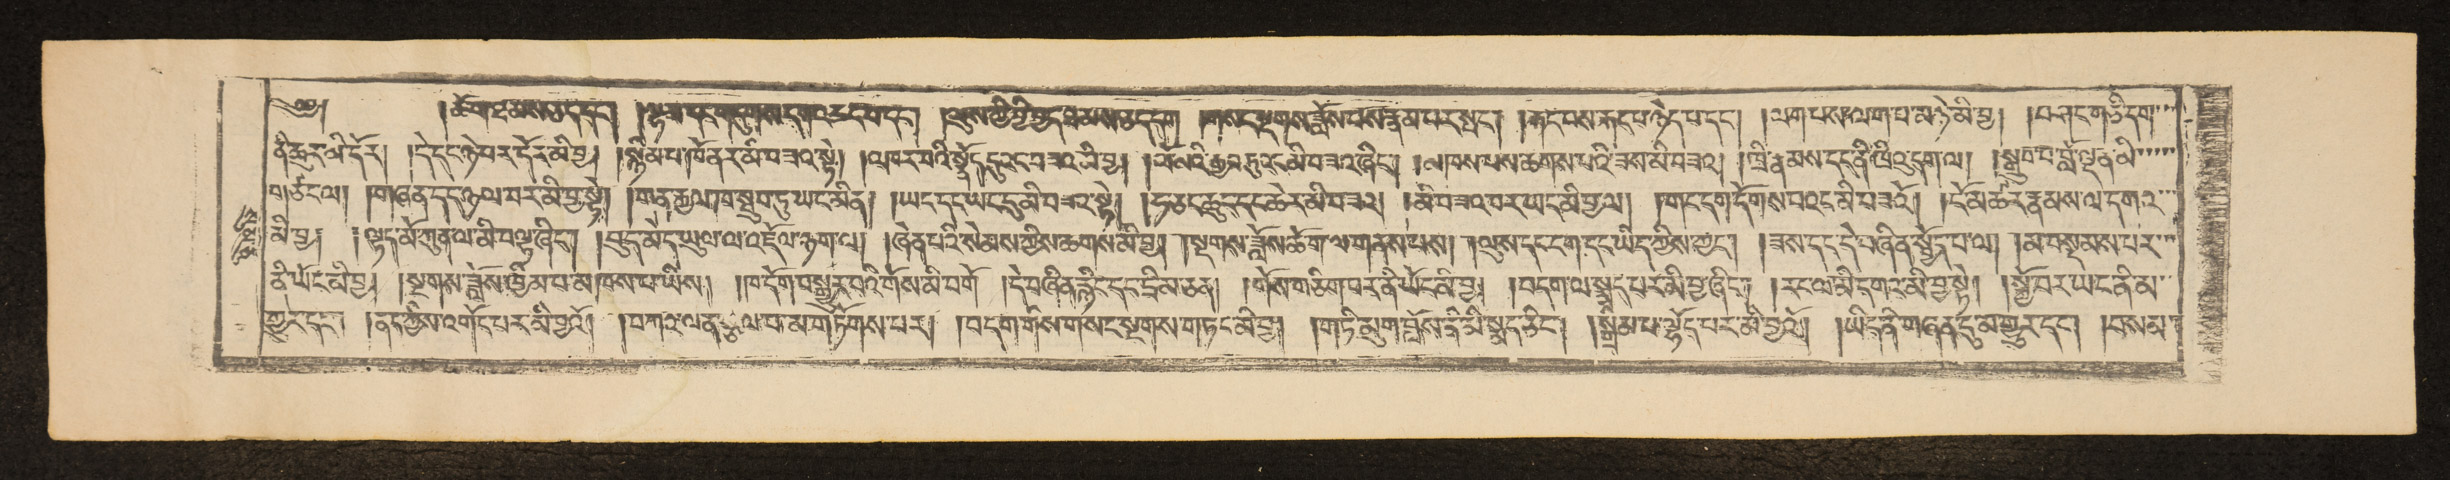༄༅། །ཆོ་ག་ཐམས་ཅད་དང་། །ལྷམ་དང་གདུགས་དག་འཆད་བ་དང་། །ལུས་ཀྱི་བྱི་བྱད་ཐམས་ཅད་དག །གསང་སྔགས་ཟློས་པས་རྣམ་པར་སྤང་། །རྐང་པས་རྐང་པ་ཉེད་པ་དང་། །ལག་པས་ལག་པ་མཉེ་མི་བྱ། །བཤང་གཅི་དག་
ནི་ཆུར་མི་དོར། །དེ་དང་ཉེ་བར་དོར་མི་བྱ། །སྙིམ་པ་ཁོ་ནར་མི་བཟའ་སྟེ། །འཁར་བའི་སྣོད་དུའང་བཟའ་མི་བྱ། །ལོ་མའི་རྒྱབ་ཏུའང་མི་བཟའ་ཞིང་། །མཁས་པས་ཆགས་པའི་ཟས་མི་བཟའ། །ཁྲི་རྣམས་དང་ནི་ཁྲིའུ་དག་ལ། །སྒྲུབ་པ་བློ་ལྡན་མི་
གཙང་ལ། །གཞན་དད་ཉལ་བར་མི་བྱ་སྟེ། །གན་རྐྱལ་ཁ་སྒྲུབ་ཏུ་ཡང་མིན། །ཡང་དང་ཡང་དུ་མི་བཟའ་སྟེ། །ཧ་ཅང་ཆུང་དང་ཆེར་མི་བཟའ། །མི་བཟའ་བར་ཡང་མི་བྱ་ལ། །གང་དག་དོགས་པའང་མི་བཟའོ། །ངོ་མཚར་རྣམས་ལ་དགའ་
མི་བྱ༑ ༑ལྟད་མོ་ཀུན་ལ་མི་བལྟ་ཞིང་། །བུད་མེད་ཡུལ་ལ་འཇོལ་ཉག་ལ། །ཞེན་པའི་སེམས་ཀྱིས་ཆགས་མི་བྱ། །སྔགས་ཟློས་ཆོག་ལ་གནས་པས། །ལུས་དང་ངག་དང་ཡིད་ཀྱིས་ཀྱང་། །ཟས་དང་དེ་བཞིན་སྦྱོད་པ་ལ། །མ་བསྔམས་པར་
ནི་ཡོང་མི་བྱ། །སྔགས་ཟློས་ཁྱིམ་པ་མཁས་པ་ཡིས། །ཁ་དོག་བསྒྱུར་བའི་གོས་མི་བགོ། །དེ་བཞིན་རྙིང་དང་དྲི་མ་ཅན། །གོས་གཅིག་པར་ནི་ཡོད་མི་བྱ། །བདག་ལ་སྨྲད་པར་མི་བྱ་ཞིང་། །རང་ལ་མི་དགའ་མི་བྱ་སྟེ། །སྐྱོ་བར་ཡང་ནི་མ་
གྱུར་དང་། །ནང་ཀྱིས་འགོད་པར་མི་བྱའོ། །བཀའ་ལན་སྩལ་པ་མ་གཏོགས་པར། །བདག་གིས་གསང་སྔགས་གཏང་མི་བྱ། །གཏི་མུག་བློས་ནི་མི་སྨད་ཅིང་། །སྒྲིམ་པ་ལྷོད་པར་མི་བྱའོ། །ཡིད་ནི་གཞན་དུ་མ་གྱུར་དང་། །བསམ་